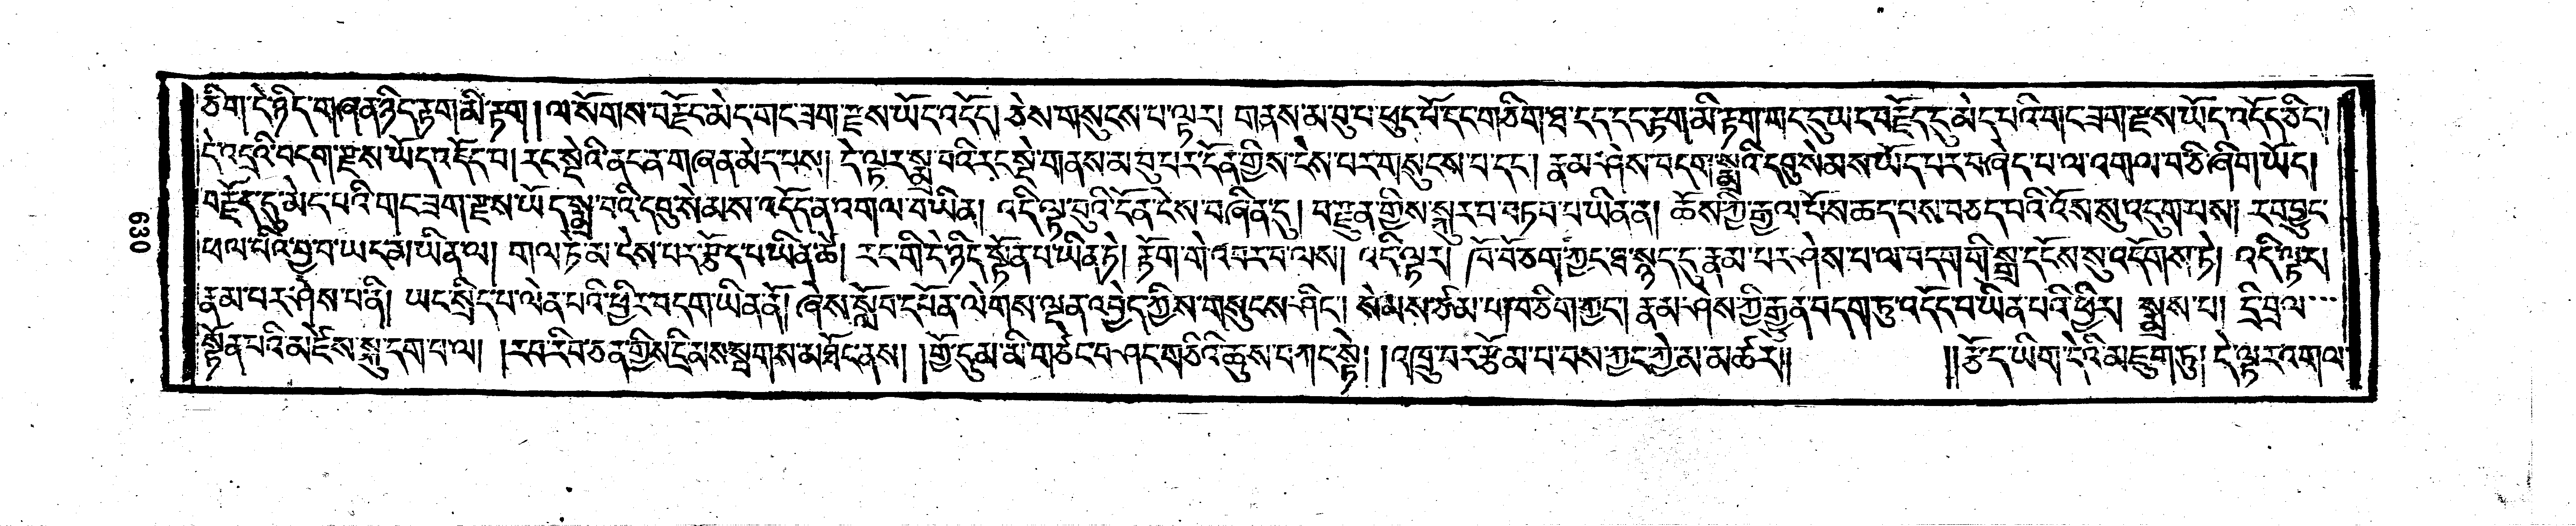ཅིག་དེ་ཉིད་གཞན་ཉིད་རྟག་མི་རྟག །ལ་སོགས་བརྗོད་མེད་གང་ཟག་རྫས་ཡོད་འདོད། ཅེས་གསུངས་པ་ལྟར། གནས་མ་བུ་པ་ཕུང་པོ་དང་གཅིག་ཐ་དད་དང་རྟག་མི་རྟག་གང་དུ་ཡང་བརྗོད་དུ་མེད་པའི་གང་ཟག་རྫས་ཡོད་འདོད་ཅིང་།
དེ་འདྲའི་བདག་རྫས་ཡོད་འདོད་པ། རང་སྡེའི་ནང་ན་གཞན་མེད་པས། དེ་ལྟར་སྨྲ་བའི་རང་སྡེ་གནས་མ་བུ་པར་དོན་གྱིས་ངེས་པར་གསུངས་པ་དང་། རྣམ་ཤེས་བདག་སྨྲའི་དབུ་སེམས་ཡོད་པར་བཞེད་པ་ལ་འགལ་བ་ཅི་ཞིག་ཡོད།
བརྗོད་དུ་མེད་པའི་གང་ཟག་རྫས་ཡོད་སྨྲ་བའི་དབུ་སེམས་འདོད་ན་འགལ་བ་ཡིན། འདི་ལྟ་བུའི་དོན་ངེས་བཞིན་དུ། བརྫུན་གྱིས་སྐུར་བ་བཏབ་པ་ཡིན་ན། ཆོས་ཀྱི་རྒྱལ་བོས་ཆད་པས་བཅད་པའི་འོས་སུ་འདུག་པས། རབ་བྱུང་
ཕལ་བའི་བྱ་བ་ཡང་མ་ཡིན་ལ། གལ་ཏེ་མ་ངེས་པར་རྩོད་པ་ཡིན་ཚེ། རང་གི་དེ་ཉིད་སྟོན་པ་ཡིན་ཏེ། རྟོག་གེ་འབར་བ་ལས། འདི་ལྟར། ཁོ་བོ་ཅག་ཀྱང་ཐ་སྙད་དུ་རྣམ་པར་ཤེས་པ་ལ་བདག་གི་སྒྲ་དངོས་སུ་འདོགས་ཏེ། འདི་ལྟར།
རྣམ་པར་ཤེས་པ་ནི། ཡང་སྲིད་པ་ལེན་པའི་ཕྱིར་བདག་ཡིན་ནོ། ཞེས་སློབ་དཔོན་ལེགས་ལྡན་འབྱེད་ཀྱིས་གསུངས་ཤིང་། སེམས་ཙམ་པ་ཁ་ཅིག་ཀྱང་། རྣམ་ཤེས་ཀྱི་རྒྱུན་བདག་ཏུ་འདོད་པ་ཡིན་པའི་ཕྱིར། སྨྲས་པ། དྲི་བྲལ་
སྟོན་པའི་མཛེས་སྐུ་དགེ་བ་ལ། །རབ་རིབ་ཅན་གྱིས་དྲི་མས་སྦགས་མཐོང་ནས། །གྱོ་དུམ་མི་གཙང་བཤང་གཅིའི་ཆུས་བཀང་སྟེ། །འཁྲུ་བར་རྩོམ་པ་བས་ཀྱང་ཀྱེ་མ་མཚར།། །།རྩོད་ཡིག་དེའི་མཇུག་ཏུ། དེ་ལྟར་འག་